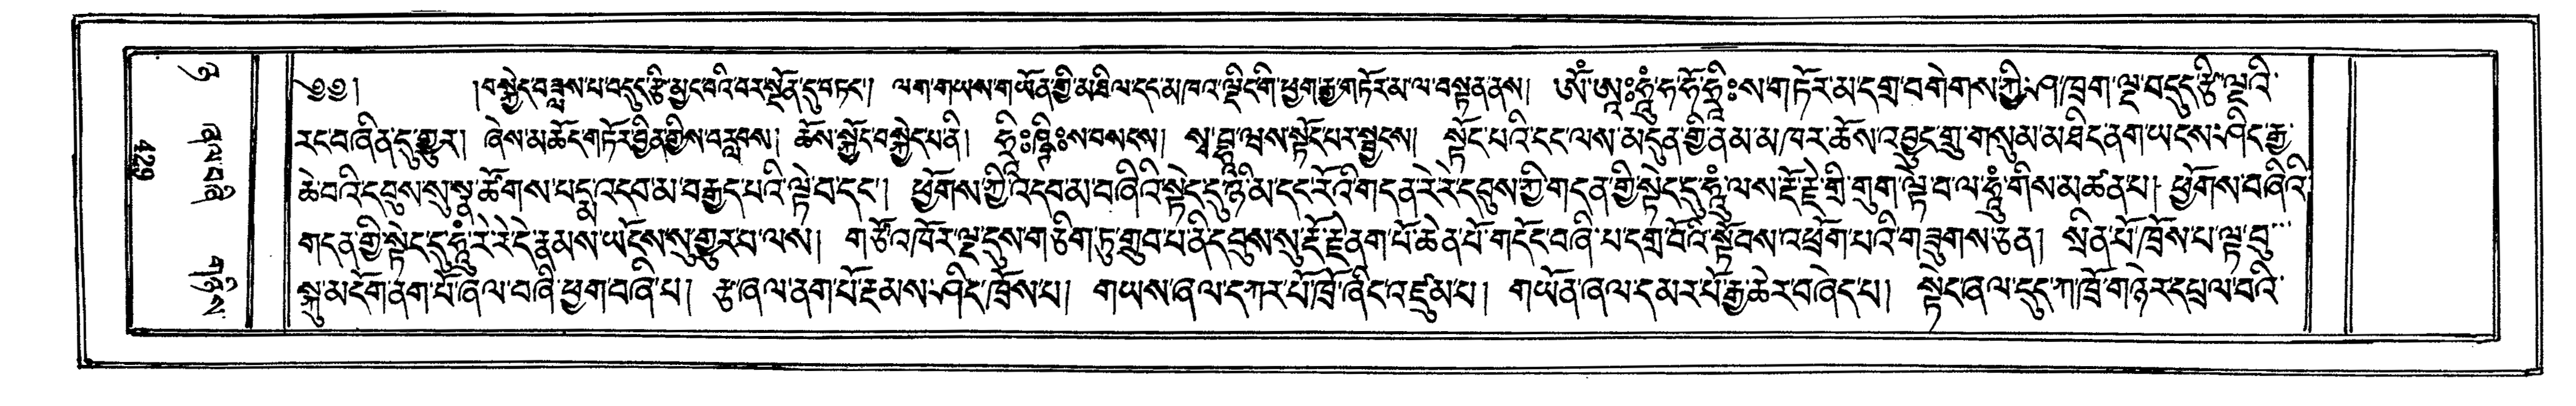༄༅། །བསྐྱེད་བཟླས་བ་བདུད་རྩི་མྱང་བའི་བར་སྔོན་དུ་བཏང་། ལག་གཡས་གཡོན་གྱི་མཐིལ་དང་མཁའ་ལྡིང་གི་ཕྱག་རྒྱ་གཏོར་མ་ལ་བསྟན་ནས། ཨོཾ་ཨཱཿཧཱུཾ་ཧ་ཧོ་ཧྲཱིཿ ས་གཏོར་མ་དགྲ་བགེགས་ཀྱི་ཤ་ཁྲག་ལྔ་བདུད་རྩི་ལྔའི་
རང་བཞིན་དུ་གྱུར། ཞེས་མཆོད་གཏོར་བྱིན་གྱིས་བརླབས། ཆོས་སྐྱོང་བསྐྱེད་པ་ནི། ཧྲཱིཿཥྚིཿས་བསངས། སྭ་བྷཱ་ཝས་སྟོང་བར་སྦྱངས། སྟོང་བའི་ངང་ལས་མདུན་གྱི་ནམ་མཁར་ཆོས་འབྱུང་གྲུ་གསུམ་མཐིང་ནག་ཡངས་ཤིང་རྒྱ་
ཆེ་བའི་དབུས་སུ་སྣ་ཚོགས་པདམ་འདབ་མ་བརྒྱད་པའི་ལྟེ་བ་དང་། ཕྱོགས་ཀྱི་འདབ་མ་བཞིའི་སྟེང་དུ་ཉི་མ་དང་རོའི་གདན་རེ་རེ་དབུས་ཀྱི་གདན་གྱི་སྟེང་དུ་ཧཱུཾ་ལས་རྡོ་རྗེ་གྲི་གུག་ལྟེ་བ་ལ་ཧཱུཾ་གིས་མཚན་པ། ཕྱོགས་བཞིའི་
གདན་གྱི་སྟེང་དུ་ཧཱུཾ་རེ་རེ་དེ་རྣམས་ཡོངས་སུ་གྱུར་པ་ལས། གཙོ་འཁོར་ལྔ་དུས་གཅིག་ཏུ་གྲུབ་པ་ནི་དབུས་སུ་རྡོ་རྗེ་ནག་པོ་ཆེན་པོ་གདོང་བཞི་པ་དགྲ་བོའི་སྟོབས་འཕྲོག་པའི་གཟུགས་ཅན། སྲིན་པོ་ཁྲོས་པ་ལྟ་བུ་
སྐུ་མདོག་དྲག་པོ་ཞལ་བཞི་ཕྱག་བཞི་པ། རྩ་ཞལ་ནག་པོ་རྔམས་ཤིང་ཁྲོས་པ། གཡས་ཞལ་དཀར་པོ་ཁྲོ་ཞིང་འཛུམ་པ། གཡོན་ཞལ་དམར་པོ་རྒྱ་ཆེར་བཞད་པ། སྟེང་ཞལ་དུང་ཀ་ཁྲོ་གཉེར་དཔྲལ་བའི་